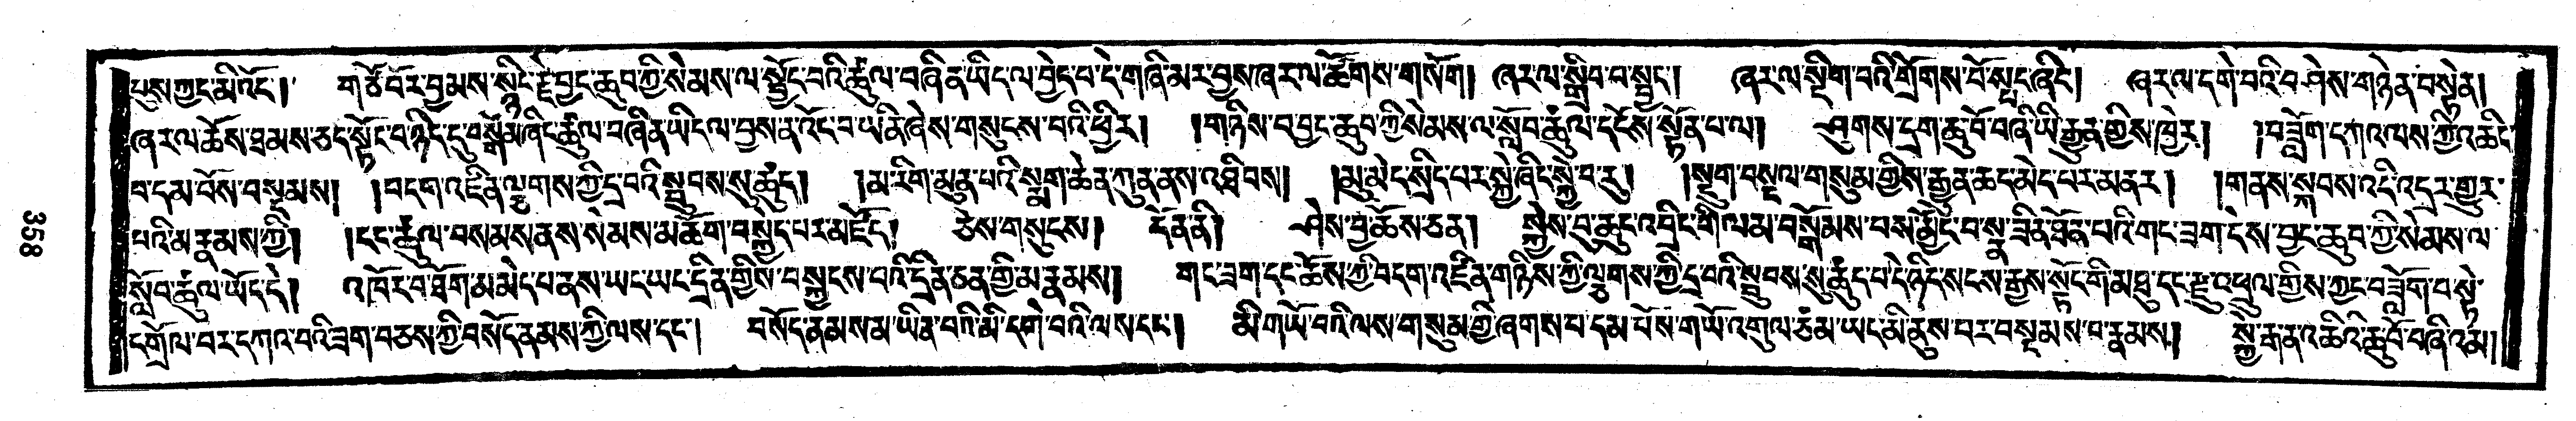པུས་ཀྱང་མིའོང་། གཙོ་བོར་བྱམས་སྙིང་རྗེ་བྱང་ཆུབ་ཀྱི་སེམས་ལ་སྦྱོང་བའི་ཚུལ་བཞིན་ཡིད་ལ་བྱེད་པ་དེ་གཞི་མར་བྱས་ཞར་ལ་ཚོགས་གསོག། ཞར་ལ་སྒྲིབ་བ་སྦྱད། ཞར་ལ་སྡིག་བའི་གྲོགས་བོ་སྤང་ཞིང་། ཞར་ལ་དགེ་བའི་བཤེས་གཉེན་བསྟེན།
ཞར་ལ་ཆོས་ཐམས་ཅད་སྟོང་བ་ཉིད་དུ་བསྒོམ་ཞིང་ཚུལ་བཞིན་ཡིད་ལ་བྱས་ན་འོང་བ་ཡིན་ཞེས་གསུངས་བའི་ཕྱིར། །གཉིས་བ་བྱང་ཆུབ་ཀྱི་སེམས་ལ་སློབ་ཚུལ་དངོས་སྟོན་པ་ལ། ཤུགས་དྲག་ཆུ་བོ་བཞི་ཡི་རྒྱུན་གྱིས་ཁྱེར། །བཟློག་དཀའ་ཁས་ཀྱི་འཆིང་
བ་དམ་བོས་བསྔམས། །བདག་འཛིན་ལྕགས་ཀྱི་དྲ་བའི་སྦུབས་སུ་ཚུད། །མ་རིག་མུན་པའི་སྨག་ཆེན་ཀུན་ནས་འཐིབས། །མུ་མེད་སྲིད་པར་སྐྱེ་ཞིང་སྐྱེ་བ་རུ། །སྡུག་བསྔལ་གསུམ་གྱིས་རྒྱུན་ཆད་མེད་པར་མནར། །གནས་སྐབས་འདི་འདྲར་གྱུར་
པའི་མ་རྣམས་ཀྱི། །ངང་ཚུལ་བསམས་ནས་སེམས་མཆོག་བསྐྱེད་པར་མཛོད། ཅེས་གསུངས། དོན་ནི། ཤེས་བྱ་ཆོས་ཅན། སྐྱེས་བུ་ཆུང་འབྲིང་གི་ལམ་བསྒོམས་བས་མྱོང་བ་སྣ་ཟིན་ཐོན་པའི་གང་ཟག་དེས་བྱང་ཆུབ་ཀྱི་སེམས་ལ་
སློབ་ཚུལ་ཡོད་དེ། འཁོར་བ་ཐོག་མ་མེད་པ་ནས་ཡང་ཡང་དྲིན་གྱིས་བསྐྱངས་བའི་དྲིན་ཅན་གྱི་མ་རྣམས། གང་ཟག་དང་ཆོས་ཀྱི་བདག་འཛིན་གཉིས་ཀྱི་ལྕགས་ཀྱི་དྲ་བའི་སྦུབས་སུ་ཚུད་པ་དེ་ཉིད་སངས་རྒྱས་སྟོང་གི་མཐུ་དང་རྫུ་འཕྲུལ་གྱིས་ཀྱང་བཟློག་པ་སྟེ་
དགྲོལ་བར་དཀའ་བའི་ཟག་བཅས་ཀྱི་བསོད་ནམས་ཀྱི་ལས་དང་། བསོད་ནམས་མ་ཡིན་པའི་མི་དགེ་བའི་ལས་དང་། མི་གཡོ་བའི་ལས་གསུམ་གྱི་ཞགས་པ་དམ་པོས་གཡོ་འགུལ་ཙམ་ཡང་མི་ནུས་པར་བསྔམས་བ་རྣམས། སྐྱེ་རྒ་ན་འཆིའི་ཆུ་བོ་བཞི་འམ།